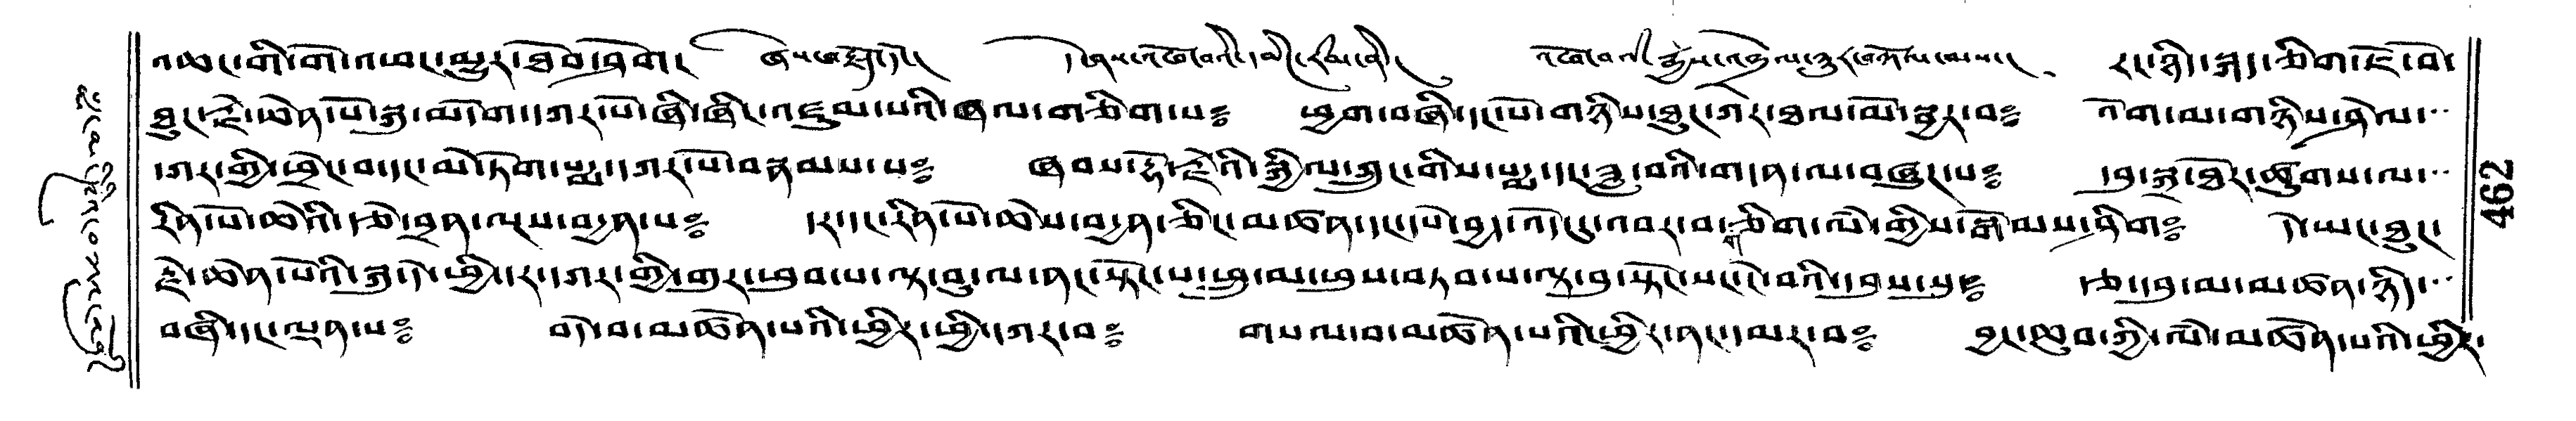འཆང་གི་གོ་འཕང་མྱུར་ཐོབ་ཤོག ཞེས་བརྗོད་དོ། དེ་ནས་འཕོ་བའི་དམིགས་རིམ་ནི། འཕོ་བའི་རྒྱས་འགྲེལ་ཟུར་བཀོལ་མ། རང་ཉིད་སྐད་ཅིག་ཇོ་བོ་
ཐུགས་རྗེ་ཆེན་པོ་སྐུ་མདོག་དཀར་པོ་ཞི་ཞིང་འཛུམ་པ་ཞལ་གཅིག་པ༔ ཕྱག་བཞིའི་དང་པོ་གཉིས་ཐུགས་ཀར་ཐལ་མོ་སྦྱར་བ༔ འོག་མ་གཉིས་ཤེལ་
དཀར་གྱི་ཕྲེང་བ་དང་མེ་ཏོག་པདྨ་དཀར་པོ་བསྣམས་པ༔ ཞབས་རྡོ་རྗེའི་སྐྱིལ་ཀྲུང་གིས་པདྨ་དང་ཟླ་བའི་གདན་ལ་བཞུགས་པ༔ དབུ་སྐྲ་ཐོར་ཚུགས་ལ་
རིན་པོ་ཆེའི་རྩེ་བྲན་ལྔས་བརྒྱན་པ༔ དར་དང་རིན་པོ་ཆེས་བརྒྱན་ཅིང་མཚན་དང་དཔེ་བྱད་འོད་དུ་འབར་བ་གཅིག་ལམ་གྱིས་སྒོམས་ཤིག༔ དེ་ཡང་ཐུགས་
རྗེ་ཆེན་པོའི་སྐུ་དེ་ཕྱི་དར་དཀར་གྱི་གུར་ཕུབ་པ་ལྟ་བུ་ལ་ནང་སྟོང་པ་ཕྲུ་མ་ཕུས་བཏབ་པ་ལྟ་བུ་སྟོང་སང་ངེ་བའི་དབུས་སུ༔ རྩ་དབུ་མ་མཚན་ཉིད་
བཞི་དང་ལྡན་པ༔ བདེ་བ་མཚོན་པའི་ཕྱིར་ཕྱི་དཀར་བ༔ གསལ་བ་མཚོན་པའི་ཕྱིར་ནང་དམར་བ༔ བྱང་ཆུབ་ཀྱི་ལམ་མཚོན་པའི་ཕྱིར་